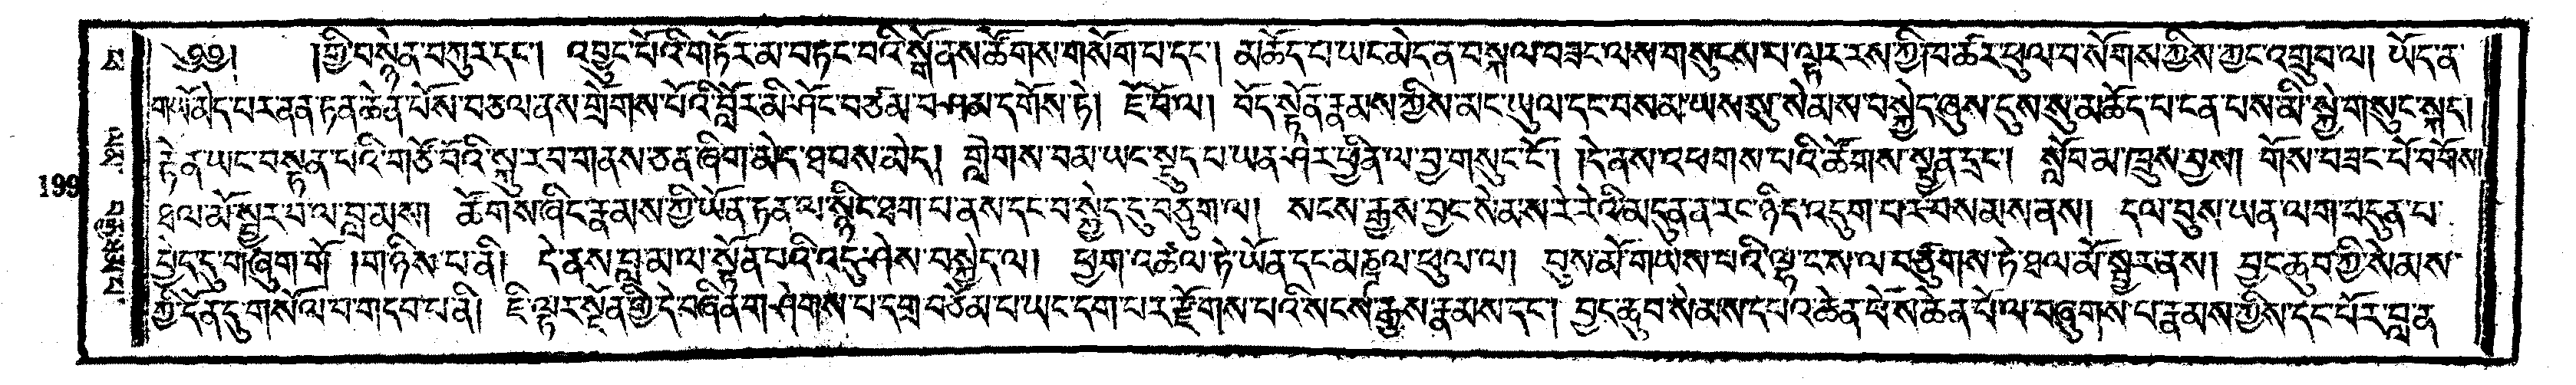༄༅། །གྱི་བསྙེན་བཀུར་དང་། འབྱུང་པོའི་གཏོར་མ་བཏང་བའི་སྒོ་ནས་ཚོགས་གསོག་པ་དང་། མཆོད་པ་ཡང་མེད་ན་བསྐལ་བཟང་ལས་གསུངས་པ་ལྟར་རས་ཀྱི་ཁ་ཚར་ཕུལ་བ་སོགས་ཀྱིས་ཀྱང་འགྲུབ་ལ། ཡོད་ན་
གཡོ་མེད་པར་ནན་ཏན་ཆེན་པོས་བཅལ་ནས་གྲོགས་པོའི་བློར་མི་ཤོང་བ་ཙམ་བཤམ་དགོས་ཏེ། ཇོ་བོ་ལ། བོད་སྟོན་རྣམས་ཀྱིས་མང་ཡུལ་དང་བསམ་ཡས་སུ་སེམས་བསྐྱེད་ཞུས་དུས་སུ་མཆོད་པ་ངན་པས་མི་སྐྱེ་གསུང་སྐད།
རྟེན་ཡང་བསྟན་པའི་གཙོ་བོའི་སྐུ་རབ་གནས་ཅན་ཞིག་མེད་ཐབས་མེད། གླེགས་བམ་ཡང་སྡུད་པ་ཡན་ཤེར་ཕྱིན་ལ་བྱ་གསུང་ངོ། །དེ་ནས་འཕགས་པའི་ཚོགས་སྤྱན་དྲང་། སློབ་མ་ཁྲུས་བྱས། གོས་བཟང་པོ་བགོས།
ཐལ་མོ་སྦྱར་བ་ལ་བླ་མས། ཚོགས་ཞིང་རྣམས་ཀྱི་ཡོན་ཏན་ལ་སྙིང་ཐག་པ་ནས་དང་བ་སྐྱེད་དུ་བཅུག་ལ། སངས་རྒྱས་བྱང་སེམས་རེ་རེའི་མདུན་ན་རང་ཉིད་འདུག་པར་བསམས་ནས། དལ་བུས་ཡན་ལག་བདུན་པ་
བྱེད་དུ་གཞུག་གོ །གཉིས་པ་ནི། དེ་ནས་བླ་མ་ལ་སྟོན་པའི་འདུ་ཤེས་བསྐྱེད་ལ། ཕྱག་འཚལ་ཏེ་ཡོན་ཏན་དང་མཎྜལ་ཕུལ་ལ། བུས་མོ་གཡས་པའི་ལྷ་ངས་ལ་བཙུགས་ཏེ་ཐལ་མོ་སྦྱར་ནས། བྱང་ཆུབ་ཀྱི་སེམས་
ཀྱི་དོན་དུ་གསོལ་བ་གདབ་པ་ནི། ཇི་ལྟར་སྔོན་གྱི་དེ་བཞིན་གཤེགས་པ་དགྲ་བཅོམ་པ་ཡང་དག་པར་རྫོགས་པའི་སངས་རྒྱས་རྣམས་དང་། བྱང་ཆུབ་སེམས་དཔའ་ཆེན་པོས་ཆེན་པོས་ཆེན་པོ་ལ་བཞུགས་པ་རྣམས་ཀྱིས་དང་པོར་བླ་ན་